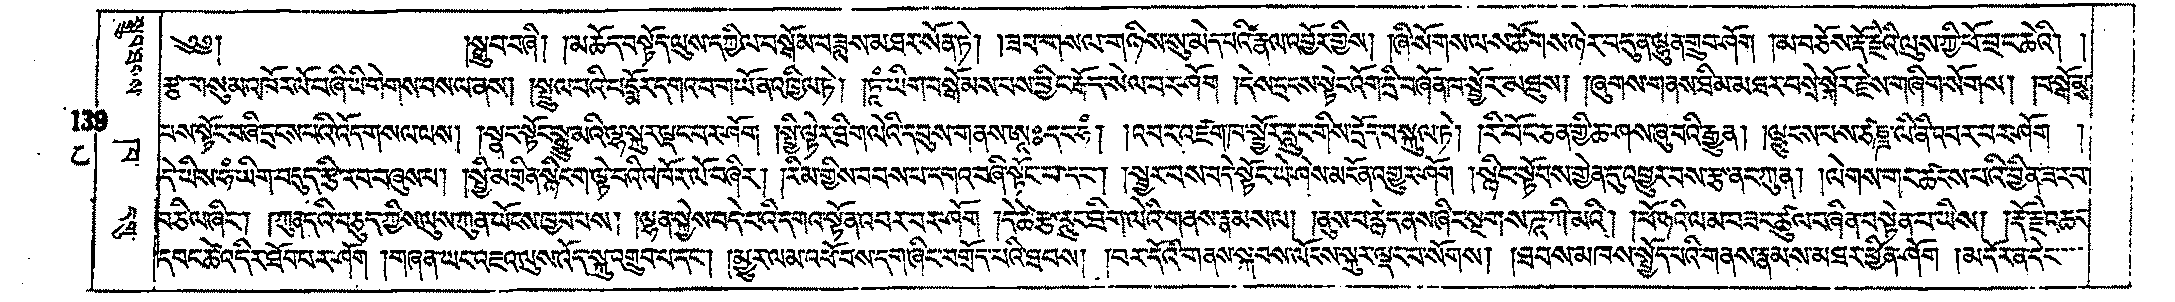༄༅། །སྒྲུབ་བཞི། །མཆོད་བསྟོད་ལུས་དཀྱིལ་བསྒོམ་བཟླས་མཐར་སོན་ཏེ། །ཟབ་གསལ་གཉིས་སུ་མེད་པའི་རྣལ་འབྱོར་གྱིས། །ཞི་སོགས་ལས་ཚོགས་ཉེར་བདུན་ལྷུན་གྲུབ་ཤོག །མ་བཅོས་རྡོ་རྗེའི་ལུས་ཀྱི་ཕོ་བྲང་ཆེའི། །
རྩ་གསུམ་འཁོར་ལོ་བཞི་ཡི་གེགས་བསལ་ནས། །སྤྲུལ་པའི་པདམོར་དགའ་བ་གཡོན་འཁྱིལ་ཏེ། །ཏཱཾ་ཡིག་བསྒོམས་པས་བྱིང་རྒོད་སེལ་བར་ཤོག །དེས་དྲངས་སྟེང་འོག་དྲི་བཞོན་ཁ་སྦྱོར་མཐུས། །ཞུགས་གནས་ཐིམ་མཐར་བསྲེ་སྐོར་རྗེས་གཞིག་སོགས། །བསྒོམས་
པས་སྟོང་བཞི་དྲངས་པའི་འོད་གསལ་ལས། །སྣང་སྟོང་སྒྱུ་མའི་ལྷ་སྐུར་ལྡང་བར་ཤོག །སྤྱི་ལྟེར་ཐིག་ལེའི་དབུས་གནས་ཨཱཿདང་ཧཾ། །འབར་འཛག་ཁ་སྦྱོར་རླུང་གིས་དྲོད་བསྐུལ་ཏེ། །རི་བོང་ཅན་གྱི་ཆ་ཤས་ཞུ་བའི་རྒྱུན། །ལྷུངས་པས་ཙཎྜ་ལི་ནི་འབར་བར་ཤོག །
དེ་ཡིས་ཧཾ་ཡིག་བདུད་རྩི་རབ་བཞུས་པ། །སྤྱི་མགྲིན་སྙིང་ག་ལྟེ་བའི་འཁོར་ལོ་བཞིར། །རིམ་གྱིས་བབས་པ་དགའ་བཞི་སྟོང་པ་དང་། །སྦྱར་བས་བདེ་སྟོང་ཡེ་ཤེས་མངོན་འགྱུར་ཤོག །སྙིང་སྟོབས་གྱེན་དུ་འཕྱུར་བས་རྩ་ནང་ཀུན། །ལེགས་གང་ཚངས་པའི་བྱིན་ཟ་རབ་
བཅིལ་ཞིང་། །ཀུན་དའི་བཅུད་ཀྱིས་ལུས་ཀུན་ཡོངས་ཁྱབ་པས། །ལྷན་སྐྱེས་བདེ་བའི་དགའ་སྟོན་འབར་བར་ཤོག །དེ་ཚེ་རྩ་རླུང་ཐིག་ལེའི་གནས་རྣམས་ལ། །ནུས་པ་རྙེད་ནས་ཞིང་སྔགས་ཌཱ་ཀི་མའི། །ཕོ་ཉའི་ལམ་བཟང་ཚུལ་བཞིན་བསྟེན་པ་ཡིས། །རྡོ་རྗེ་འཆང་
དབང་ཚེ་འདིར་ཐོབ་པར་ཤོག །གཞན་ཡང་འཇའ་ལུས་འོད་སྐུ་འགྲུབ་པ་དང་། །མྱུར་ལམ་འཕོ་བས་དག་ཞིང་བགྲོད་པའི་ཐབས། །བར་དོའི་གནས་སྐབས་ལོངས་སྐུར་ལྡང་བ་སོགས། །ཐབས་མཁས་སྤྱོད་པའི་གནས་རྣམས་མཐར་ཕྱིན་ཤོག །མདོར་ན་དེང་་་